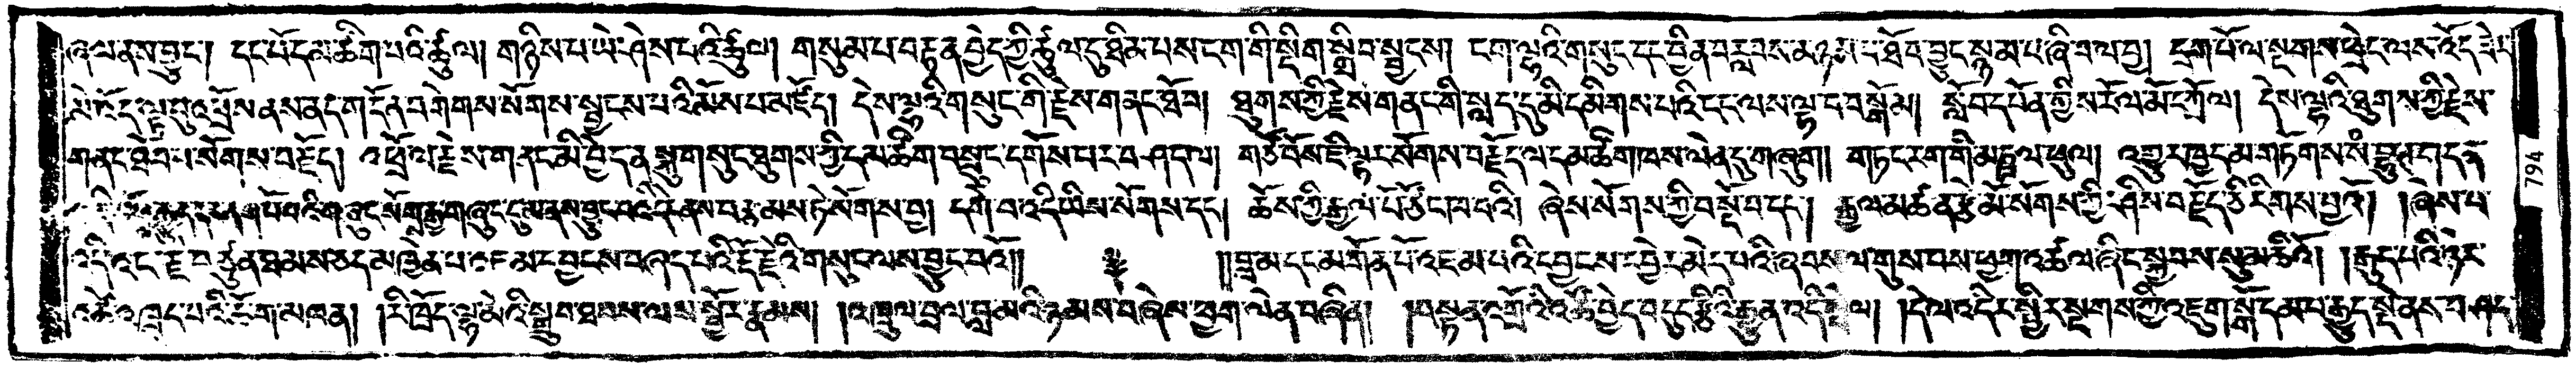ཞལ་ནས་བྱུང་། དང་པོ་དམ་ཚིག་པའི་ཚུལ། གཉིས་པ་ཡེ་ཤེས་པའི་ཚུལ། གསུམ་པ་བརྟན་བྱེད་ཀྱི་ཚུལ་དུ་ཐིམ་པས་ངག་གི་སྡིག་སྒྲིབ་སྦྱངས། ངག་ལྷའི་གསུང་དང་བྱིན་བརླབས་མཉམ་པ་ཐོབ་བྱུང་སྙམ་པ་ཞི་བ་ལ་བྱ། དྲག་པོ་ལ་སྔགས་ཕྲེང་ལས་འོད་ཟེར་
མེ་འོད་ལྟ་བུ་འཕྲོས་ནས་ནད་གདོན་བགེགས་སོགས་སྦྱངས་པའི་མོས་པ་མཛོད། དེས་ལྷའི་གསུང་གི་རྗེས་གནང་ཐོབ། ཐུགས་ཀྱི་རྗེས་གནང་གི་སླད་དུ་མི་དམིགས་པའི་དང་ལས་ལྟ་བ་བསྒོམ། སློབ་དཔོན་གྱིས་རོལ་མོ་དཀྲོལ། དེས་ལྷའི་ཐུགས་ཀྱི་རྗེས་
གནང་ཐོབ་པ་སོགས་བརྗོད། འཕྲོལ་རྗེས་གནང་མི་བྱེད་ན་སྐུ་གསུང་ཐུགས་ཀྱི་དམ་ཚིག་བསྲུང་དགོས་པར་བཤད་ལ། གཙོ་བོས་ཇི་ལྟར་སོགས་བརྗོད་ལ་དམ་ཚིག་ཁས་ལེན་དུ་གཞུག། གཏང་རག་གི་མཎྜལ་ཕུལ། འགྱུར་ཁྱད་མ་གཏོགས་སཾ་བྷུ་ཊ་གདན་
བཞི་སོགས་རྒྱུད་དང་ནག་པོ་པའི་གཞུང་སོགས་རྒྱ་གཞུང་དུ་མ་ནས་བྱུང་བའི་དེང་ནས་བརྩམས་ཏེ་སོགས་བྱ། དགེ་བ་འདི་ཡིས་སོགས་དང་། ཆོས་ཀྱི་རྒྱལ་པོ་ཙོང་ཁ་བའི། ཞེས་སོགས་ཀྱི་བསྔོ་བ་དང་། རྒྱལ་མཚན་རྩེ་མོ་སོགས་ཀྱི་ཤིས་བརྗོད་ཅི་རིགས་བྱའོ། །ཞེས་པ་
འདི་འང་རྗེ་བཙུན་ཐམས་ཅད་མཁྱེན་པ་འཇམ་དབྱངས་བཞད་པའི་རྡོ་རྗེའི་གསུང་ལས་བྱུང་བའོ།། །།བླ་མ་དང་མགོན་པོ་འཇམ་པའི་དབྱངས་དབྱེར་མེད་པའི་ཞབས་ལ་གུས་པས་ཕྱག་འཚལ་ཞིང་སྐྱབས་སུ་མཆིའོ། །རྒྱུད་པའི་ཉེར་
འཚེ་འཁྲུད་པའི་ཆོག་མཁན། །རི་ཁྲོད་ལྷ་མོའི་སྒྲུབ་ཐབས་ལས་སྦྱོར་རྣམས། །འཁྲུལ་བྲལ་བླ་མའི་ཉམས་བཞེས་ཕྱག་ལེན་བཞིན། །བསྟན་འགྲོའི་འཚོ་བྱེད་བ་དུང་རྩིའི་རྒྱུན་འདི་སྤེལ། །དེ་ལ་འདིར་སྤྱིར་སྔགས་ཀྱི་འཇུག་སྒོ་དམ་བརྒྱུད་སྡེ་ནས་བཤད་